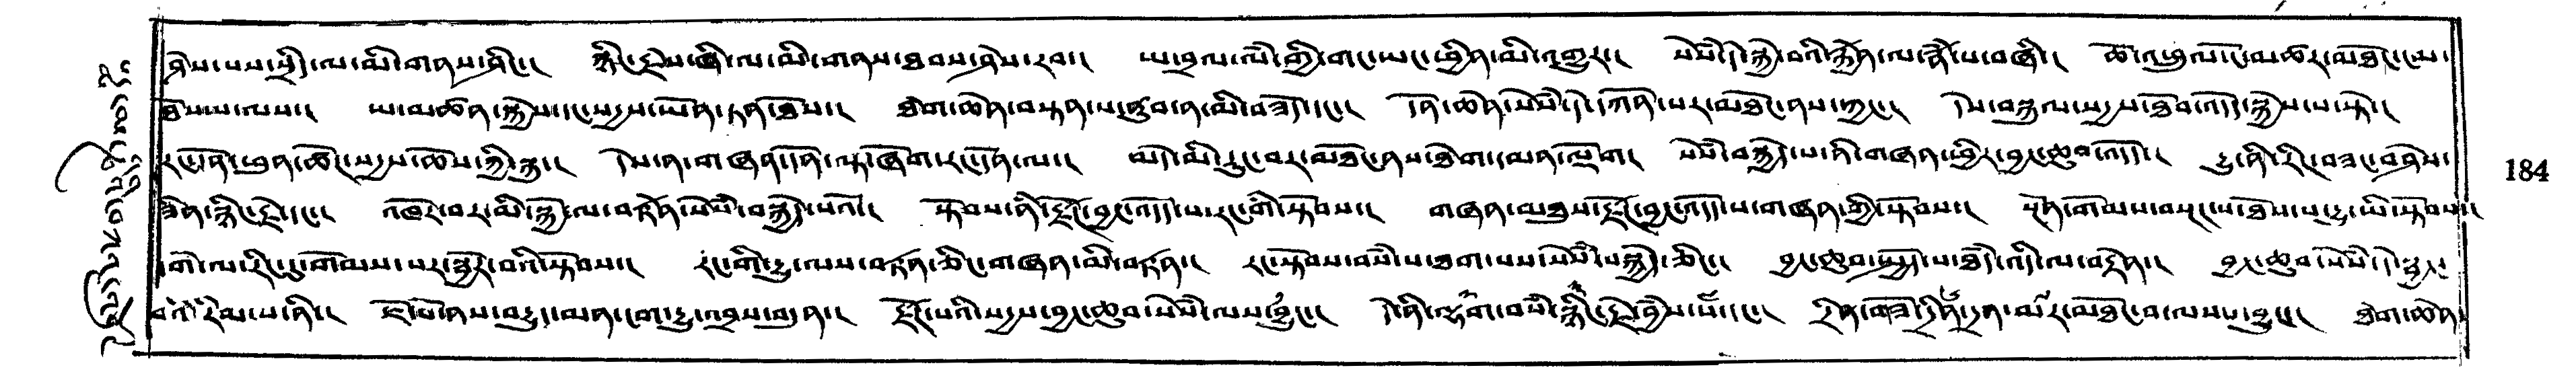ཤེས་པས་སྲིད་ལ་མི་གནས་ཤིང་། །སྙིང་རྗེས་ཞི་ལ་མི་གནས་ཐབས་ཤེས་རབ། །ཡ་བྲལ་ལམ་གྱིས་གང་ཡང་ཕྱིན་མི་འགྱུར། །སེམས་དེ་སྐྱེ་བའི་རྐྱེན་ལ་རྣམ་པ་བཞི། །ཆོ་འཕྲུལ་ངོ་མཚར་མཐོང་ངམ་
ཐོས་པ་ལས། །ཡ་མཚན་སྐྱེས་དང་སངས་རྒྱས་ཡོན་ཏན་ཐོས། །ཐེག་ཆེན་བསྟན་པ་ནུབ་ན་མི་བཟོད་དང་། །དོན་ཆེན་སེམས་དེ་དཀོན་པར་མཐོང་ནས་ཀྱང་། །དེས་བསྐུལ་སངས་རྒྱས་ཐོབ་འདོད་སྐྱེས་པ་སྟེ། །
རང་དོན་ཕུན་ཚོགས་སངས་རྒྱས་ཆོས་ཀྱི་སྐུ། །དེས་ན་གཞན་དོན་ལྟ་ཞོག་རང་དོན་ལ། །མེད་མི་རུང་བར་མཐོང་ནས་ཐེག་དམན་ལྡོག །སེམས་བསྐྱེད་པ་ནི་གཞན་ཕྱིར་བྱང་ཆུབ་འདོད། །རྒྱུ་ནི་རིགས་བཟང་བཤེས་
ཟིན་སྙིང་རྗེ་དང་། །འཁོར་བར་མི་སྐྱོ་ལ་བརྟེན་སེམས་བསྐྱེད་པའོ། །སྟོབས་ནི་རྫོགས་བྱང་འདོད་པ་རང་གི་སྟོབས། །གཞན་མཐུས་རྫོགས་བྱང་འདོད་པ་གཞན་གྱི་སྟོབས། །སྔོན་གོམས་བསྔགས་པ་ཐོས་པ་རྒྱུ་ཡི་སྟོབས། །
དགེ་ལ་རིང་དུ་གོམས་པར་སྦྱོར་བའི་སྟོབས། །རང་གི་རྒྱུ་ལས་བརྟན་ཅིང་གཞན་མི་བརྟན། །རང་སྟོབས་བསམ་པ་ཐག་པས་སེམས་བསྐྱེད་ཅིང་། །བྱང་ཆུབ་སྤྱོད་པ་ཐམས་ཅད་འདི་ལ་བརྟེན། །བྱང་ཆུབ་སེམས་དེ་སྦྱང་
བའི་རིམ་པ་ནི། །ཇོ་བོ་ནས་བརྒྱུད་མན་ངག་རྒྱུ་འབྲས་བདུན། །རྫོགས་པའི་སངས་རྒྱས་བྱང་ཆུབ་སེམས་ལས་བྱུང་། །དེ་ནི་ལྷག་བསམ་སྙིང་རྗེ་བྱམས་པ་དང་། །དྲིན་གཟོ་དྲིན་དྲན་མར་མཐོང་བ་ལས་བྱུང་། །ཐེག་ཆེན་